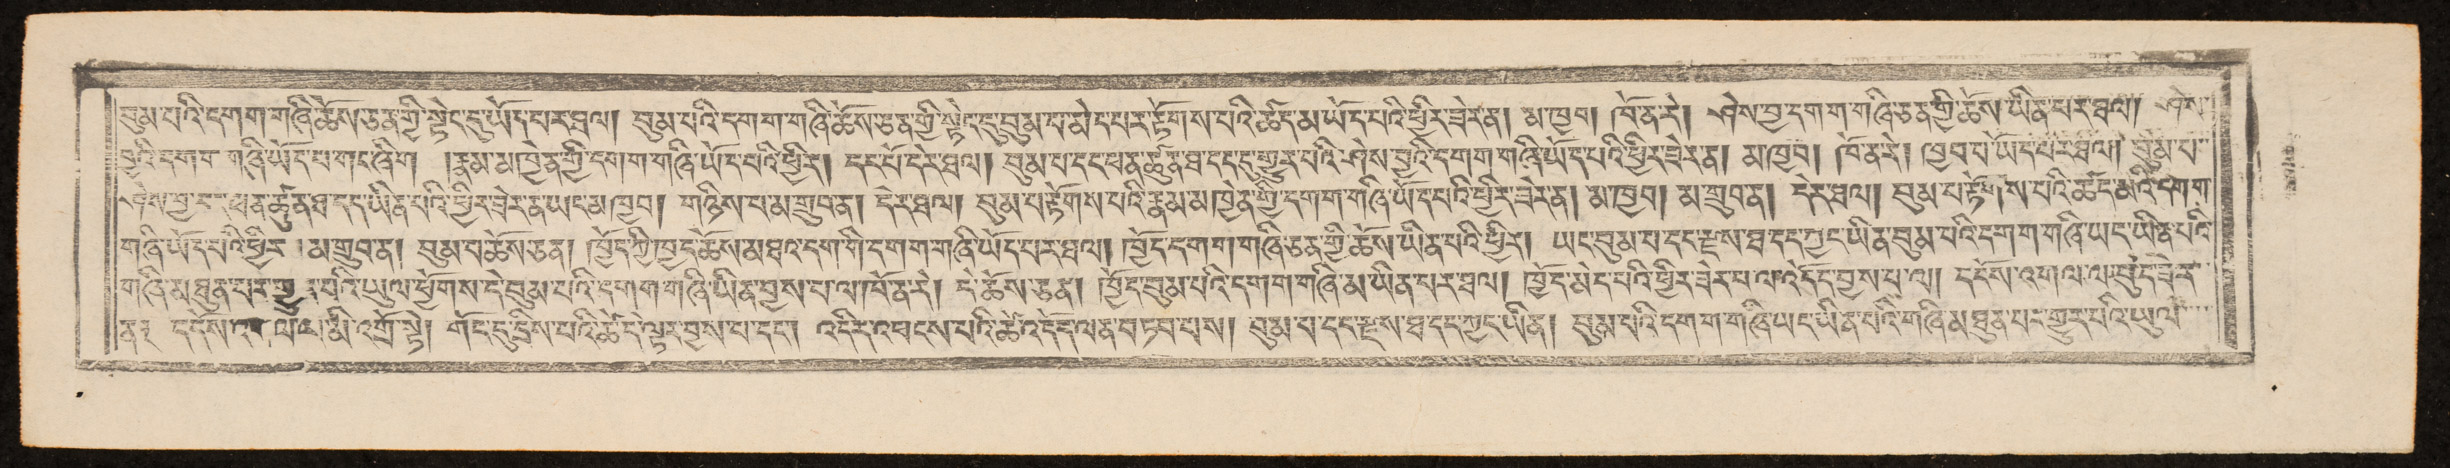བུམ་པའི་དགག་གཞི་ཆོས་ཅན་གྱི་སྟེང་དུ་ཡོད་པར་ཐལ། བུམ་པའི་དགག་གཞི་ཆོས་ཅན་གྱི་སྟེང་དུ་བུམ་པ་མེད་པར་རྟོགས་པའི་ཚད་མ་ཡོད་པའི་ཕྱིར་ཟེར་ན། མ་ཁྱབ། ཁོ་ན་རེ། ཤེས་བྱ་དགག་གཞི་ཅན་གྱི་ཆོས་ཡིན་པར་ཐལ། ཤེས་
བྱའི་དགག་གཞི་ཡོད་པ་གང་ཞིག །རྣམ་མཁྱེན་གྱི་དགག་གཞི་ཡོད་པའི་ཕྱིར། དང་པོ་དེར་ཐལ། བུམ་པ་དང་ཕན་ཚུན་ཐ་དད་དུ་གྱུར་པའི་ཤེས་བྱའི་དགག་གཞི་ཡོད་པའི་ཕྱིར་ཟེར་ན། མ་ཁྱབ། ཁོ་ན་རེ། ཁྱབ་པ་ཡོད་པར་ཐལ། བུམ་པ་
ཤེས་བྱ་དང་ཕན་ཚུན་ཐ་དད་ཡིན་པའི་ཕྱིར་ཟེར་ན་ཡང་མ་ཁྱབ། གཉིས་པ་མ་གྲུབ་ན། དེར་ཐལ། བུམ་པ་རྟོགས་པའི་རྣམ་མཁྱེན་གྱི་དགག་གཞི་ཡོད་པའི་ཕྱིར་ཟེར་ན། མ་ཁྱབ། མ་གྲུབ་ན། དེར་ཐལ། བུམ་པ་རྟོགས་པའི་ཚད་མའི་དགག་
གཞི་ཡོད་པའི་ཕྱིར། མ་གྲུབ་ན། བུམ་པ་ཆོས་ཅན། ཁྱོད་ཀྱི་ཁྱད་ཆོས་མཐའ་དག་གི་དགག་གཞི་ཡོད་པར་ཐལ། ཁྱོད་དགག་གཞི་ཅན་གྱི་ཆོས་ཡིན་པའི་ཕྱིར། ཡང་བུམ་པ་དང་རྫས་ཐ་དད་ཀྱང་ཡིན་བུམ་པའི་དགག་གཞི་ཡང་ཡིན་པའི་
གཞི་མཐུན་པར་གྱུར་པའི་ཡུལ་ཕྱོགས་དེ་བུམ་པའི་དགག་གཞི་ཡིན་བྱས་པ་ལ་ཁོ་ན་རེ། དེ་ཆོས་ཅན། ཁྱོད་བུམ་པའི་དགག་གཞི་མ་ཡིན་པར་ཐལ། ཁྱོད་མེད་པའི་ཕྱིར་ཟེར་བ་ལ་འདོད་བྱས་པ་ལ། དངོས་འགལ་ལ་བུད་ཟེར་
ན། དངོས་འགལ་ལ་མི་འགྲོ་སྟེ། གོང་དུ་དྲིས་པའི་ཚེ་དེ་ལྟར་བྱས་པ་དང་། འདིར་འཕངས་པའི་ཚེ་འདོད་ལན་བཏབ་པས། བུམ་པ་དང་རྫས་ཐ་དད་ཀྱང་ཡིན། བུམ་པའི་དགག་གཞི་ཡང་ཡིན་པའི་གཞི་མཐུན་པར་གྱུར་པའི་ཡུལ་